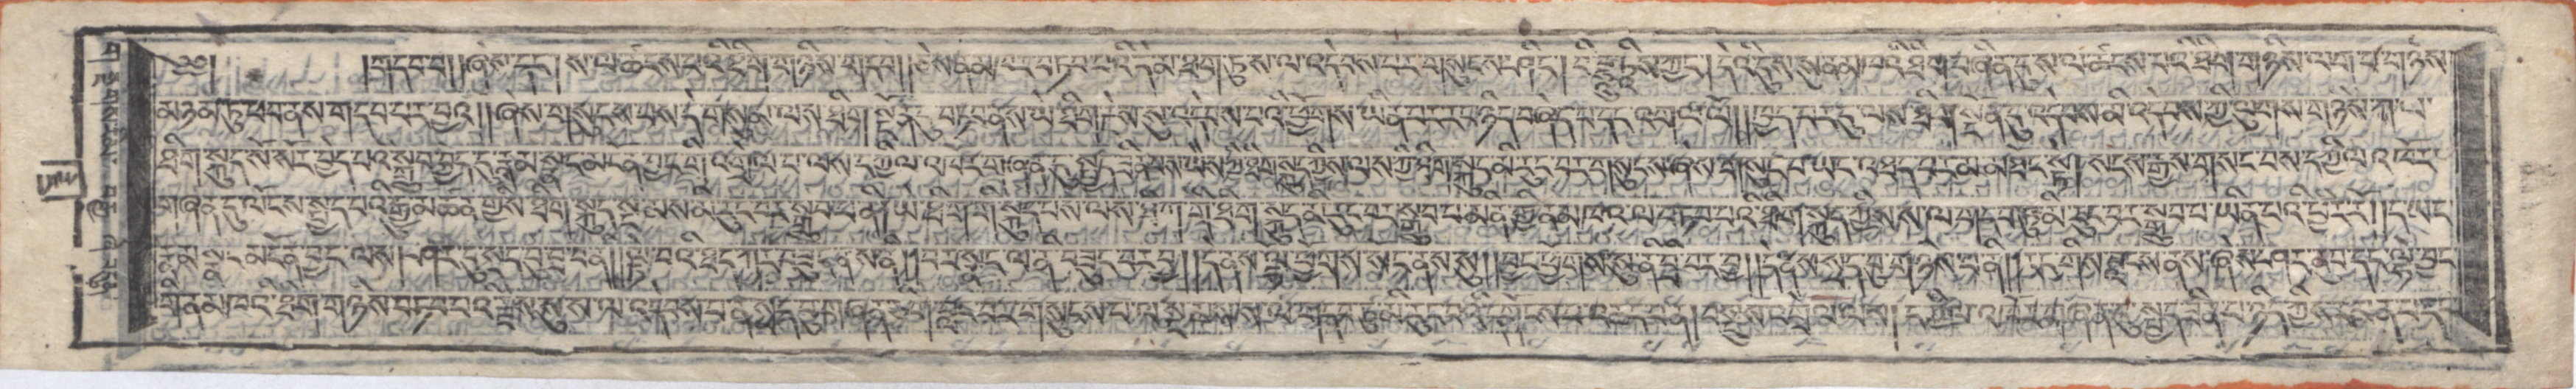༄༅། །གདབ་བོ། །ཞེས་དང་། ས་ལ་ཚངས་པའི་ཐིག་གཉིས་གདབ། །ཅེས་ནམ་མཁར་བཏབ་པའི་དེ་མ་ཐག་ཏུ་ས་ལ་འདེབས་པར་གསུངས་ཤིང་། བི་བྷཱུ་ཏཱིས་ཀྱང་། དེའི་དུས་སུ་ནམ་མཁའི་ཐིག་བཞིན་དུ་ས་ལ་ཚངས་པའི་ཐིག་གཉིས་ལག་པ་གཉིས་
མཉམ་ཏུ་ཕབ་ནས་གདབ་པར་བྱའོ། །ཞེས་གསུངས་པས་དེ་གསུམ་ལས་ཐིག་སྔོན་དུ་བཏབ་ནས་ཡེ་ཐིག་རྗེས་སུ་འདེབས་པའི་ཕྱོགས་ཡིན་པར་རང་ཉིད་བཞེད་པ་དང་འགལ་ལོ། །ཁྱད་པར་དུ་ལས་ཐིག་སྔོན་དུ་འདེབས་མི་འདེབས་ཀྱི་ལུགས་གཉིས་ཀ་ལ་
ཐིག་སྐུད་སོ་སོར་བྱེད་པའི་སྒྲུབ་བྱེད་དུ་རྣམ་སྣང་མངོན་བྱང་གི་འགྲེལ་པ་ལས་དཀྱིལ་འཁོར་གཞན་དུ་སྤྱད་ཟིན་པས་ཡཻས་ཀྱི་ཐིག་སྐུད་ཀྱིས་ལས་ཀྱི་ཐིག་སྐུད་མི་རུང་བར་གསུངས་ཞེས་གསུང་བ་ཡང་འཐད་པར་མ་མཐོང་སྟེ། སངས་རྒྱས་གསང་བས་དཀྱིལ་འཁོར་
གཞན་དུ་ལོངས་སྤྱད་པའི་རྒྱུ་མཚན་གྱིས་ཐིག་སྐུད་སྔ་མས་མི་རུང་བར་སྒྲུབ་པ་ནི། ཡེ་ཐིག་གི་སྐུད་པས་ལས་ཐིག་གི་ཐིག་སྐུད་མི་རུང་བར་སྒྲུབ་པ་མིན་གྱི་ནམ་མཁའ་ལ་བཏབ་པའི་ཐིག་སྐུད་ཀྱིས་ས་ལ་གདབ་ཏུ་མི་རུང་བར་སྒྲུབ་པ་ཡིན་པའི་ཕྱིར་རོ། །དེ་ཡང་
རྣམ་སྣང་མངོན་བྱང་ལས། ཤར་དུ་སྲད་བུ་བྲི་བ་ནི། །ལྟེ་བའི་ཐད་ཀར་བཟུང་ནས་ནི། །བར་སྣང་ལ་ནི་བཟུང་བར་བྱ། །དེ་ནས་ལྷོ་ཕྱོགས་སོང་ནས་སུ། །བྱང་ཕྱོགས་སུ་ནི་བྲི་བར་བྱ། །དེ་ནས་སྲད་བུ་གཉིས་པ་ནི། །རང་གིས་བླངས་ནས་ཞེས་ཤར་ནུབ་དང་ལྷོ་བྱང་
གི་ནམ་མཁའི་ཐིག་གཉིས་བཏབ་པའི་རྗེས་སུ་ས་ལ་འདེབས་པ་ན་སྲད་བུ་གཞན་ཅིག་བླང་བར་གསུངས་པ་ལ་སྔ་མས་ས་ལ་གདབ་ཏུ་མི་རུང་བའི་དགོངས་པ་འཆད་པ་ན། བསྡུས་འགྲེལ་ལས། དཀྱིལ་འཁོར་གཞན་དུ་སྤྱད་ཟིན་པ་ཉིད་ཀྱིས་དམན་པ་དང་